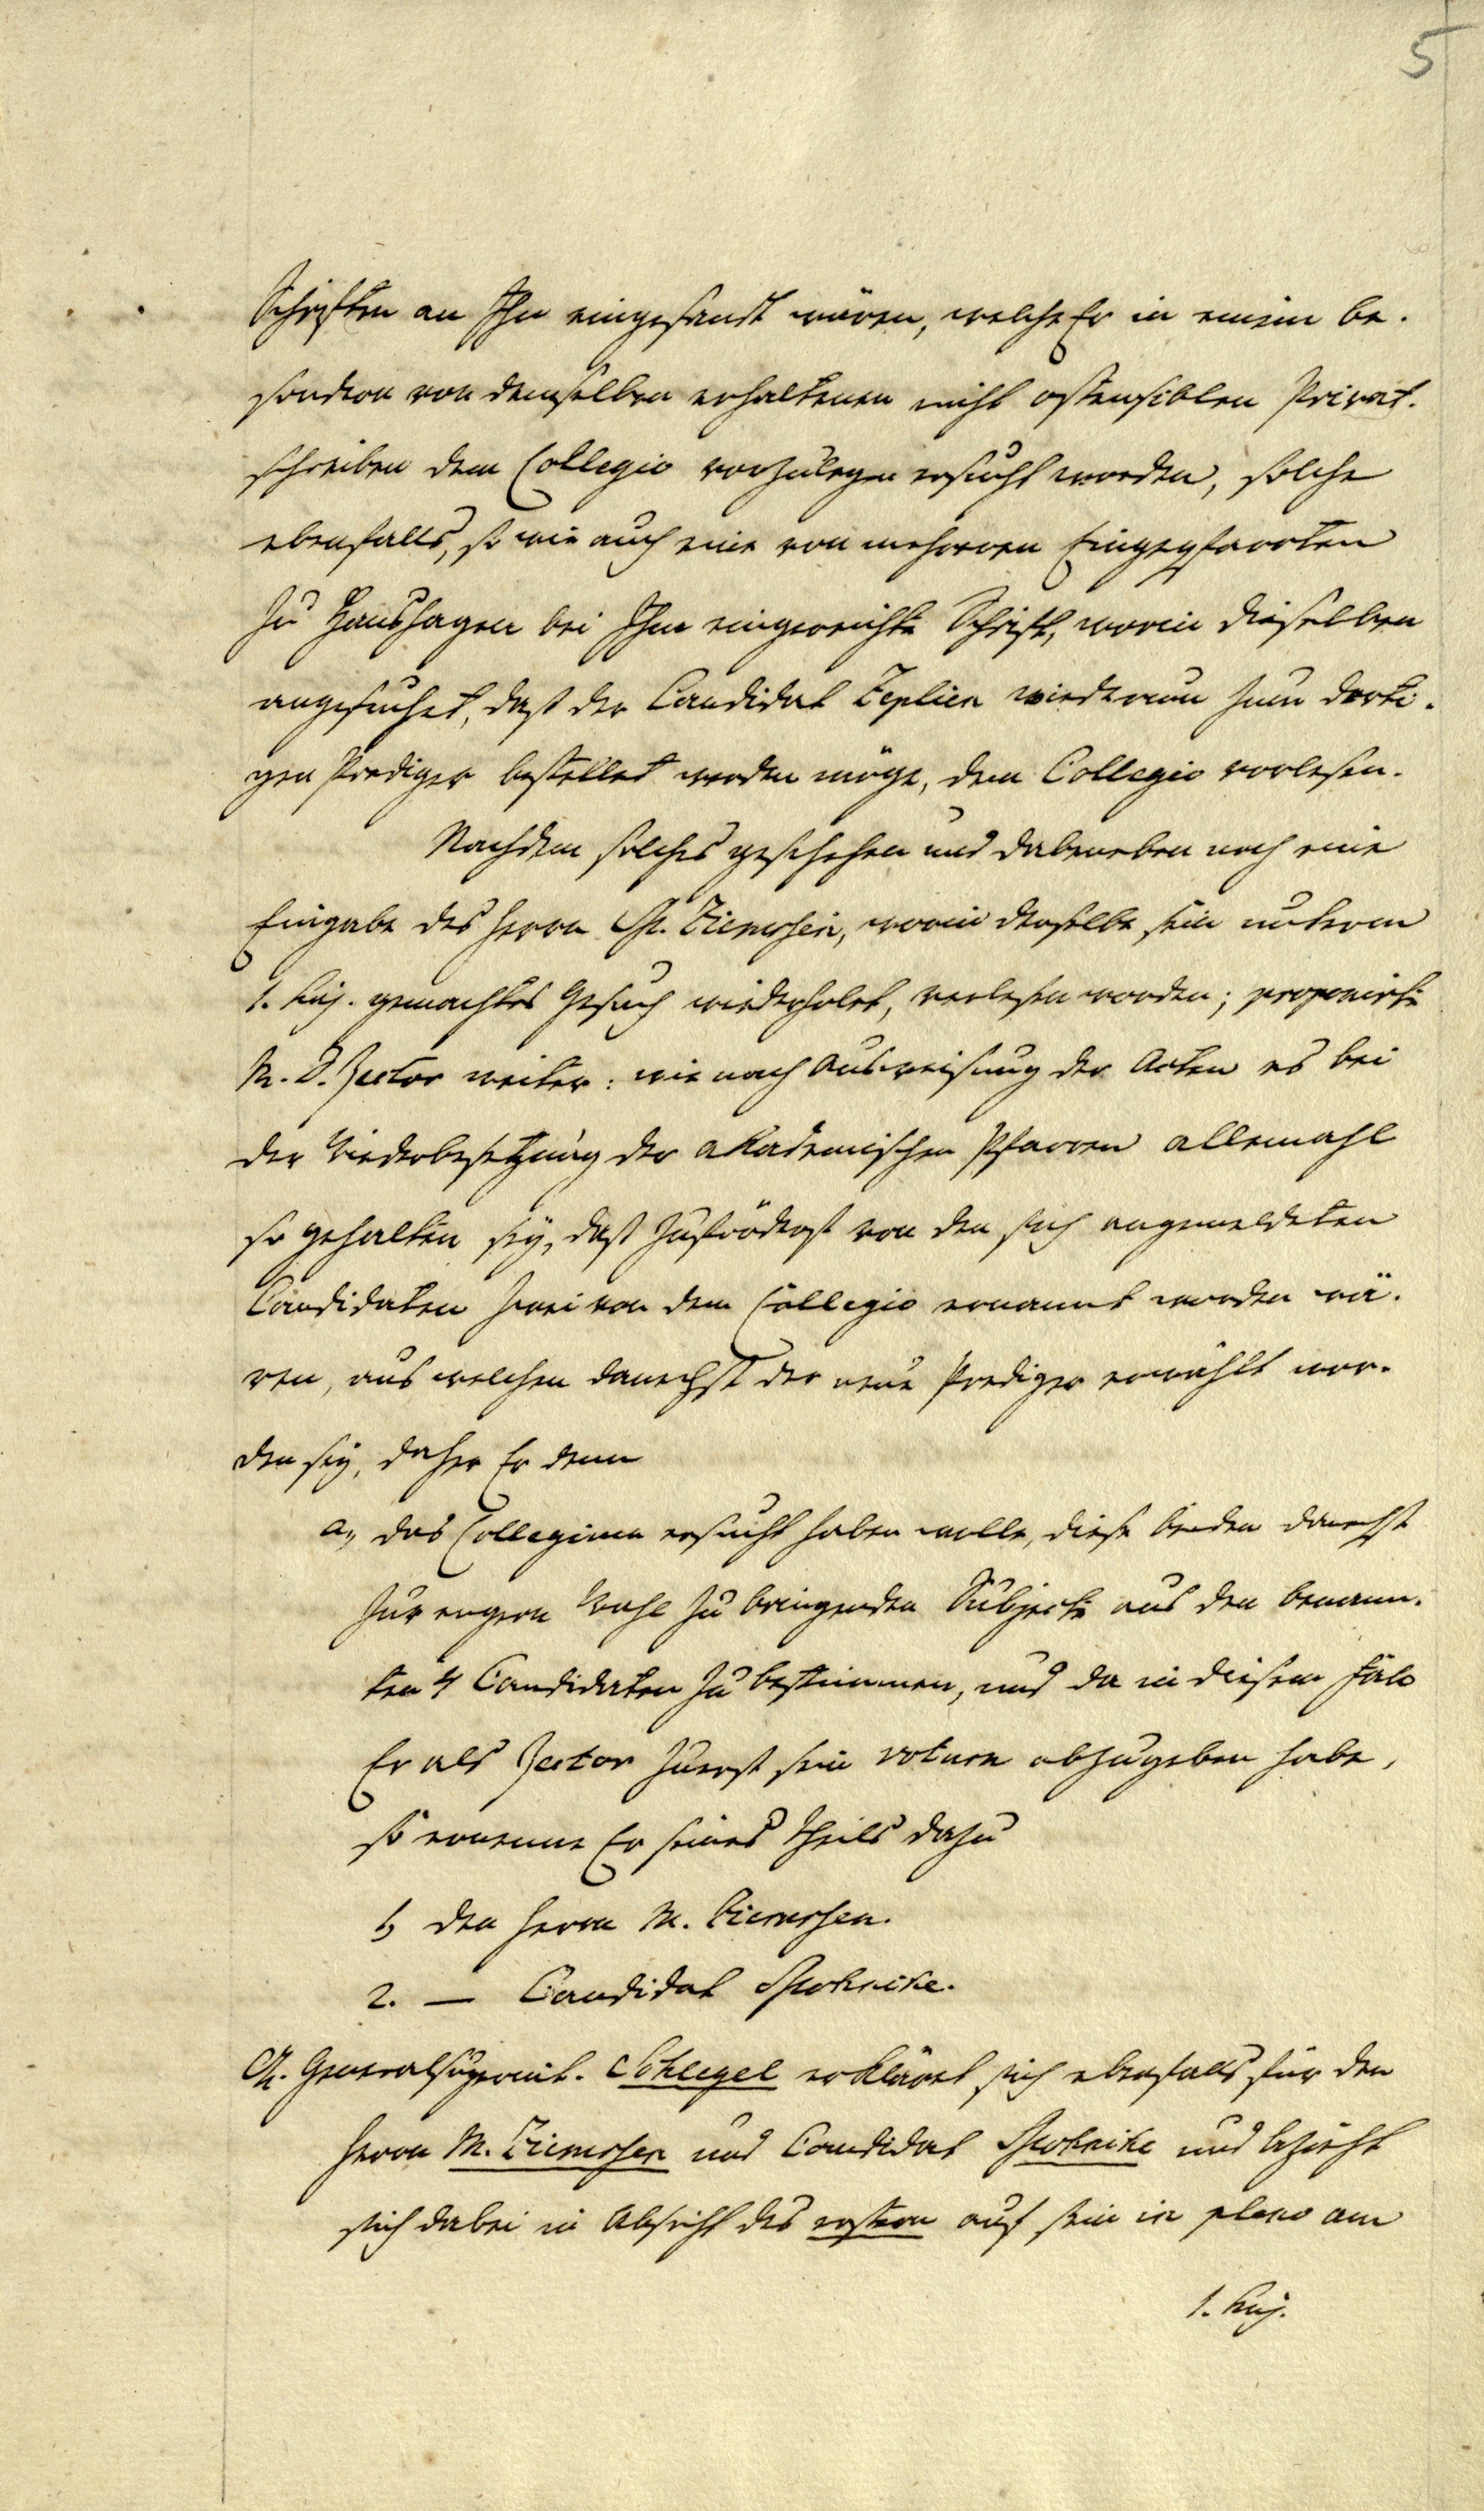Schriften an Ihn eingesandt wären, welche Er in einem be¬
sondern von demselben erhaltenen nicht ofensiblen Privat¬
schreiben dem Collegio vorzulegen ersucht worden, solche
ebenfalls, so wie auch eine von mehreren Eingepfarrten
zu Hanshagen bei Ihm eingereichte Schrift, worin dieselben
angesuchet, daß der Candidat Zeplien wiederum zum dorti¬
gen Prediger bestellet werden möge, dem Collegio vorlesen.
Nachdem solches geschehen und dabeneben noch eine
Eingabe des herrn M. Ziemssen, worin derselbe sein unterm
1. huj. gemachtes Gesuch wiederholt, verlesen worden; proponirte
M. D. Rector weiter: wie nach Ausweisung der Acten es bei
der Wiederbesetzung der akademischen Pfarren allemahl
so gehalten seÿ, daß zuförderst von den sich angemeldeten
Candidaten zwei von dem Collegio ernannt worden wä¬
ren, aus welchen danechst der neue Prediger erwählt wor¬
den seÿ, daher Er denn
a, das Collegium ersucht haben wolle, diese beiden danechst
zur engern Wahl zu bringenden Subjecte aus den benann¬
ten 4 Candidaten zu bestimmen, und da in diesem Fall
Er als Rector zuerst sein votum abzugeben habe,
so ernenne Er seines Theils dazu
1, den herrn M. Ziemssen.
2. Candidat Mohnike.
dh. Generalsuperint. Schlegel erklärt sich ebenfalls für den
herrn M. Ziemssen und Candidat Mohnike und bezieht
sich dabei in Absicht des erstern auf sein in pleno am
1. huj.